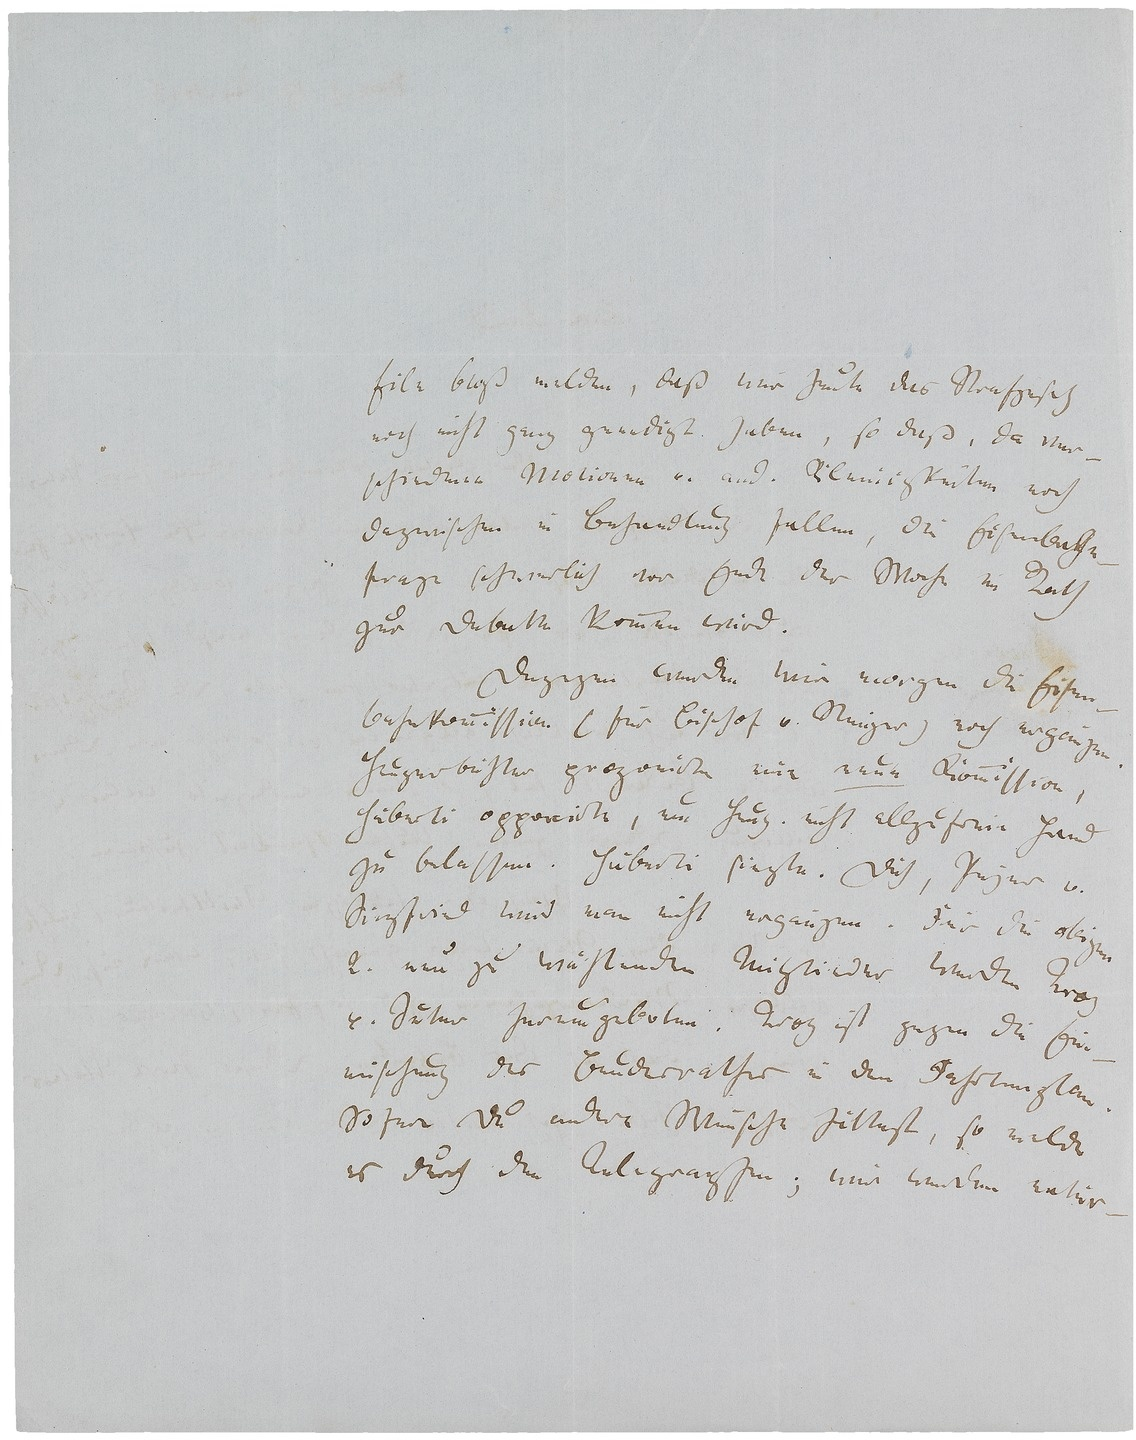Eile bloß melden, daß wir heute das Strafgesetz
noch nicht ganz geendigt haben, so daß, da ver-
schiedene Motionen & and. Kleinigkeiten noch
dazwischen in Behandlung fallen, die Eisenbahn-
frage schwerlich vor Ende der Woche im Rath
zur Debatte kommen wird.
Dagegen werden wir morgen die Eisen-
bahnkommission (für Bischof &. Steiger) noch ergänzen.
Hungerbühler proponirte eine neue Kommission,
Häberli opponirte, um Hung. nicht allzu freie Hand
zu belassen. Häberli siegte. Dich, Peyer &.
Siegfried wird man nicht ergänzen. Für die obigen
2. neu zu wählenden Mitglieder werden Trog
&. Suter herumgeboten. Trog ist gegen die Ein-
mischung des Bundesrathes in den Fahrtenplan.
Sofern Du andere Wünsche hättest, so melde
es durch den Telegraphen; wir werden natür-